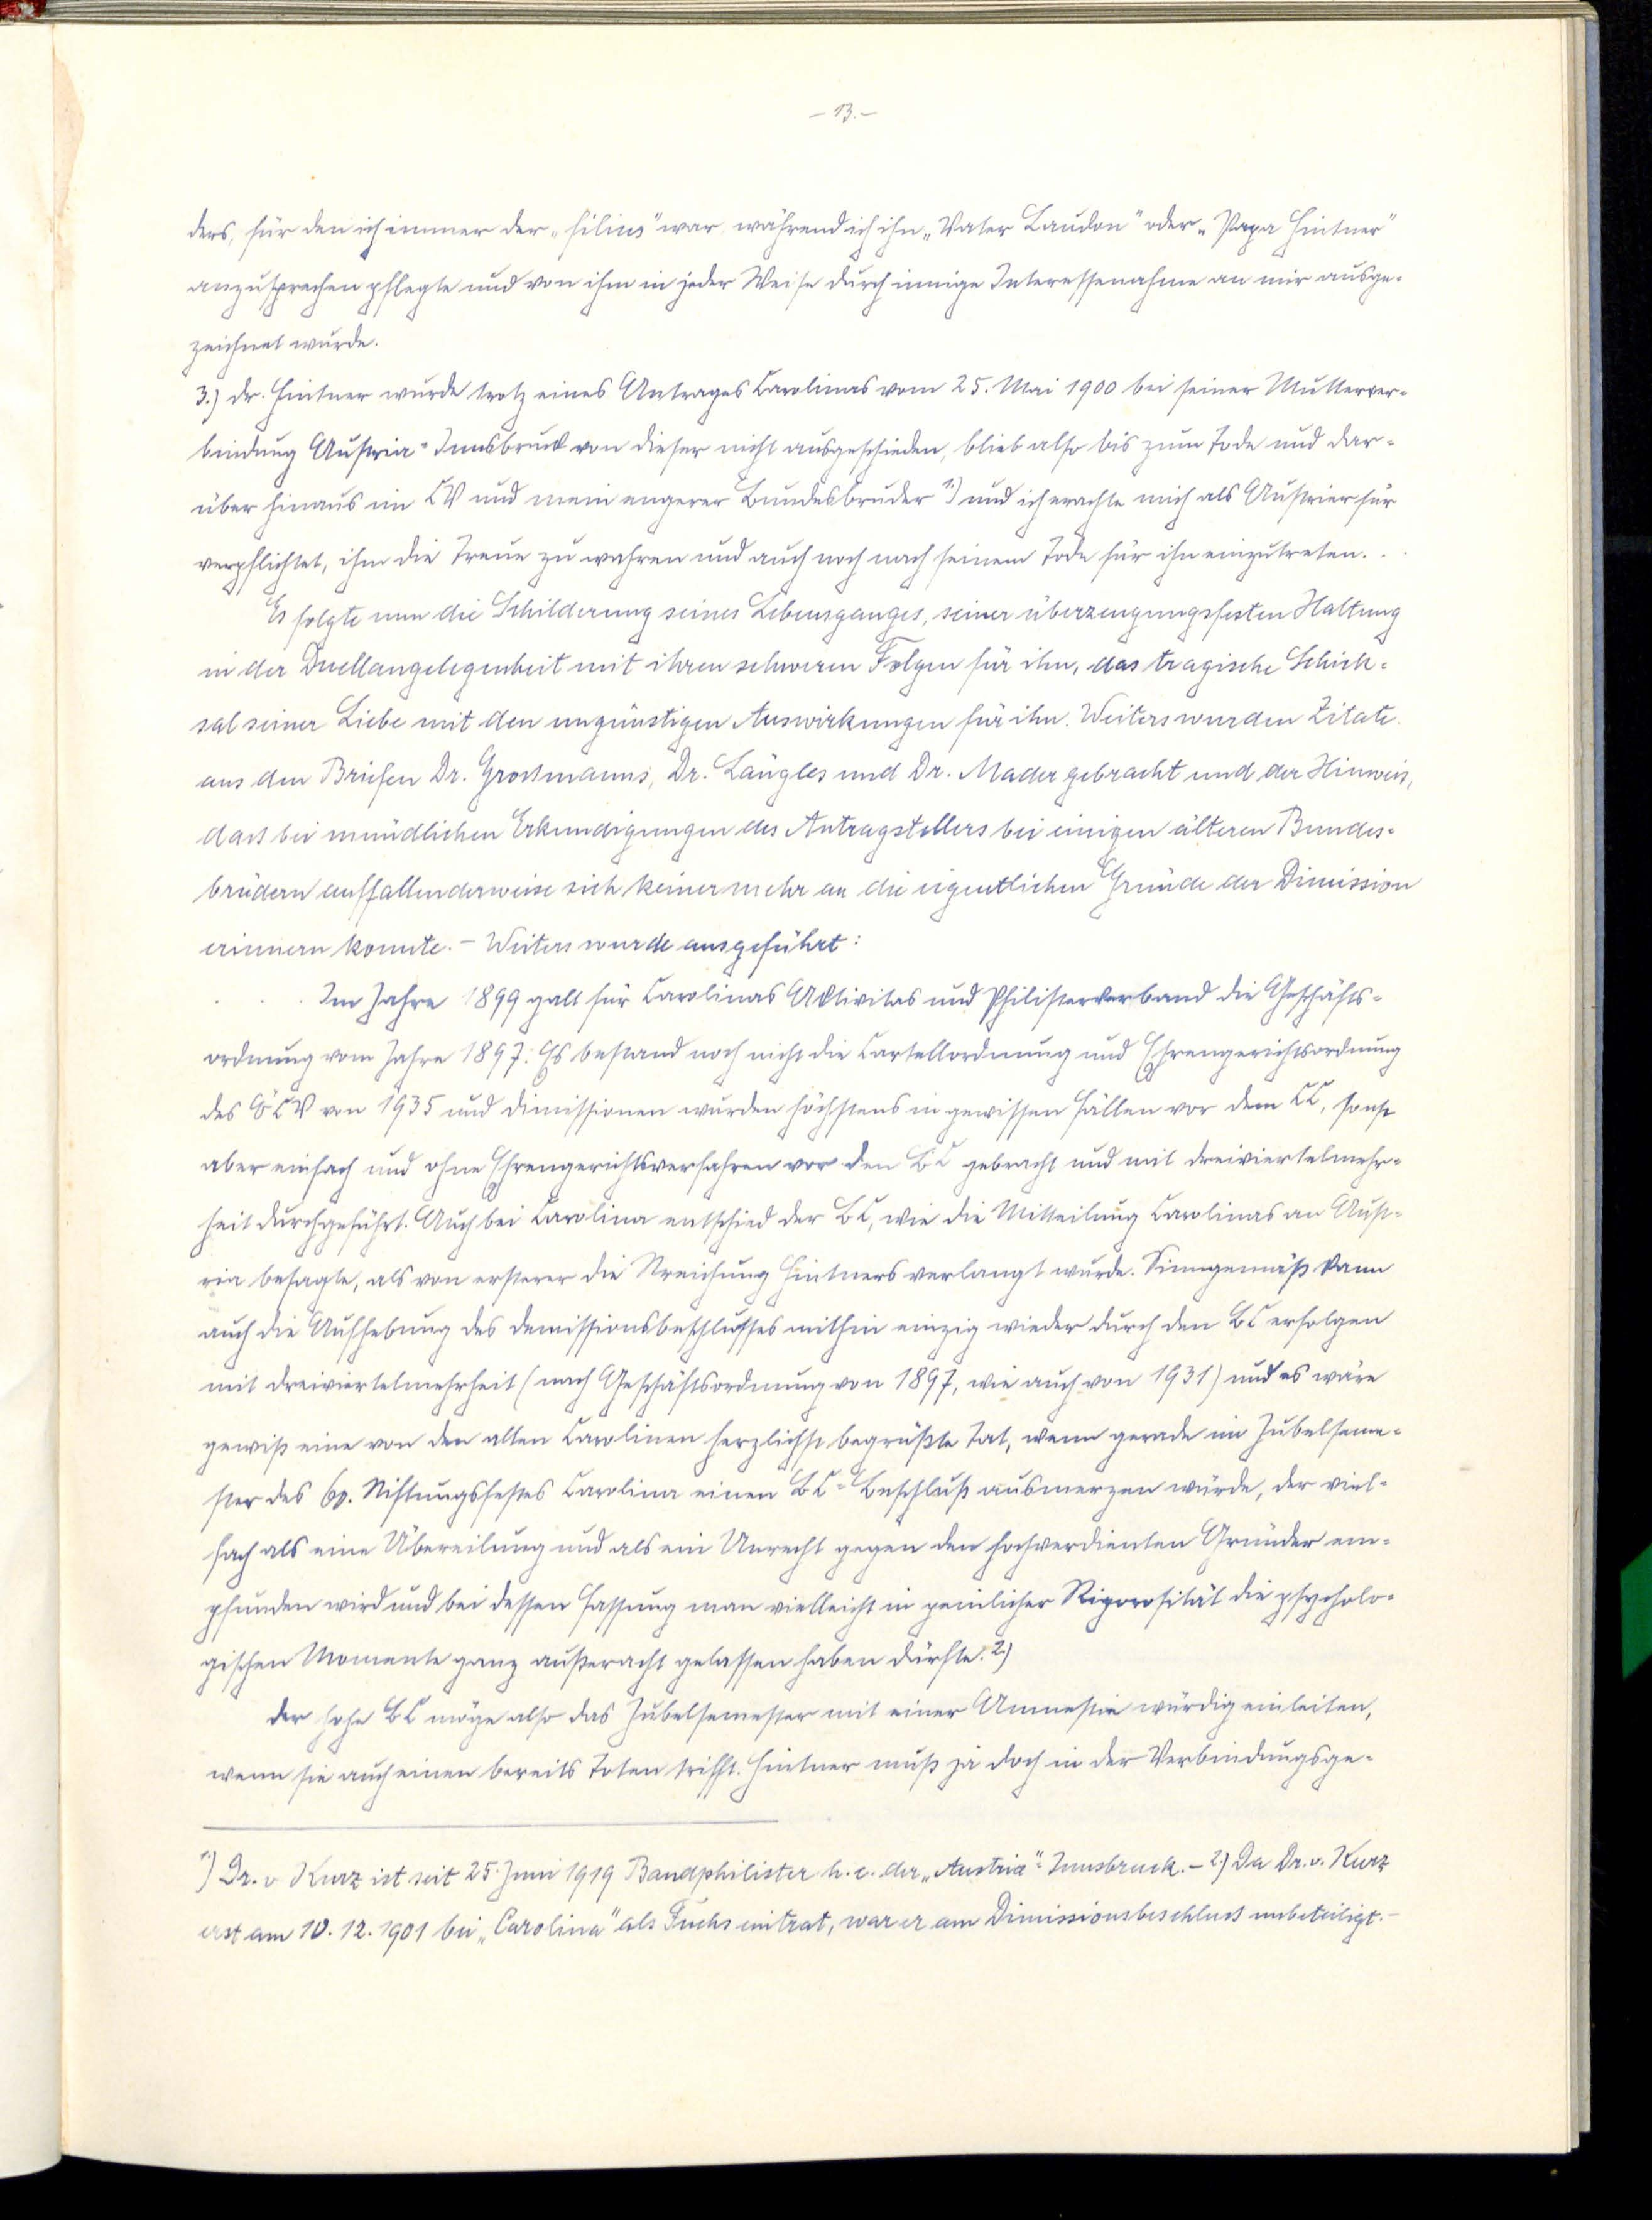13.
ders, für den ich immer der "filius" war während ich ihn "Vater Laudon" oder " Papa Hintner"
anzusprechen pflegte und von ihm in jeder Weise durch innige Interessenahme an mir ausge-
zeichnet wurde.
3.) Dr. Hintner wurde trotz eines Antrages Carolinas vom 25. Mai 1900 bei seiner Mutterver-
bindung Austria-Innsbruck von dieser nicht ausgeschieden, blieb also bis zum Tode und dar-
über hinaus im CV und mein eigener Bundesbruder 1.) und ich erachte mich als Austrier für
verpflichtet, ihm die Treue zu wahren und auch noch nach seinem Tode für ihn einzutreten.
Es folgte nun die Schilderung seines Lebensganges, seiner überzeugungsfesten Haltung
in der Duellangelegenheit mit ihren schweren Folgen für ihn, das tragische Schick-
sal seiner Liebe mit den ungünstigen Auswirkungen für ihn. Weiter wurden Zitate
aus den Briefen Dr. Grossmanns, Dr. Längles und Dr. Mader gebracht und der Hinweis,
dass bei mündlichen Erkundigungen des Antragstellers bei einigen älteren Bundes-
brüdern auffallenderweise sich keiner mehr an die eigentlichen Gründe der Dimissiom
erinnern konnte.- Weiters wurd ausgeführt:
Im Jahre 1899 galt für Carolinas Aktivitas und Philisterverband die Geschäfts-
ordnung vom Jahre 1897. Es bestand noch nicht die Cartellordnung und Ehrengerichtsordnung
des ÖCV von 1935 und Dimissionen wurden höchstens in gewissen Fällen von dem CC sonst
aber einfach und ohne Ehrengerichtsverfahren vor den BC gebracht und mit dreiviertelmehr-
heit durchgeführt. Auch bei Carolina entschied der BC, wie die Mitteilung Carolinas an Aust-
ria besagte, als ersteren die Streichung Hintners verlang wurde. Sinngemäß kann
auf die Aufhebung des Dimissionsbeschlusses mithin einzig wieder durch den BC erfolgen
mit dreiviertelmehrheit (nach Geschäftsordnung von 1897, wie auch von 1931) und es wäre
gewiß eine von den alten Carolinen herzlichst begrüßte Tat wenn gerade im Jubelseme-
ster des 60. Stiftungsfestes Carolina einen BC-Beschluß ausmerzen würde, der viel-
fach als eine Übereilung und als ein Unrecht gegen den hochverdienten Gründer em-
pfunden wird und bei dessen Fassung man vielleicht in peinlicher Rigorosität die psycholo-
gischen Momente ganz außeracht gelassen haben dürfen. 2.)
Der hohe BC möge also das Jubelsemester mit einer Amnestie würdig einleiten,
wenn sie auch einen bereits Toten trifft. Hintner muß ja doch in der Verbindungsge-
Dr. v. Kurz ist seit 25. Juli 1919 Bandphilister h.c. der "Austria"-Innsbruck.- 2.) Da Dr. v. Kurz
erst am 10. 12. 1901 bei "Carolina" als Fuchs eintrat, war er am Dimissionsbeschluss unbeteiligt.